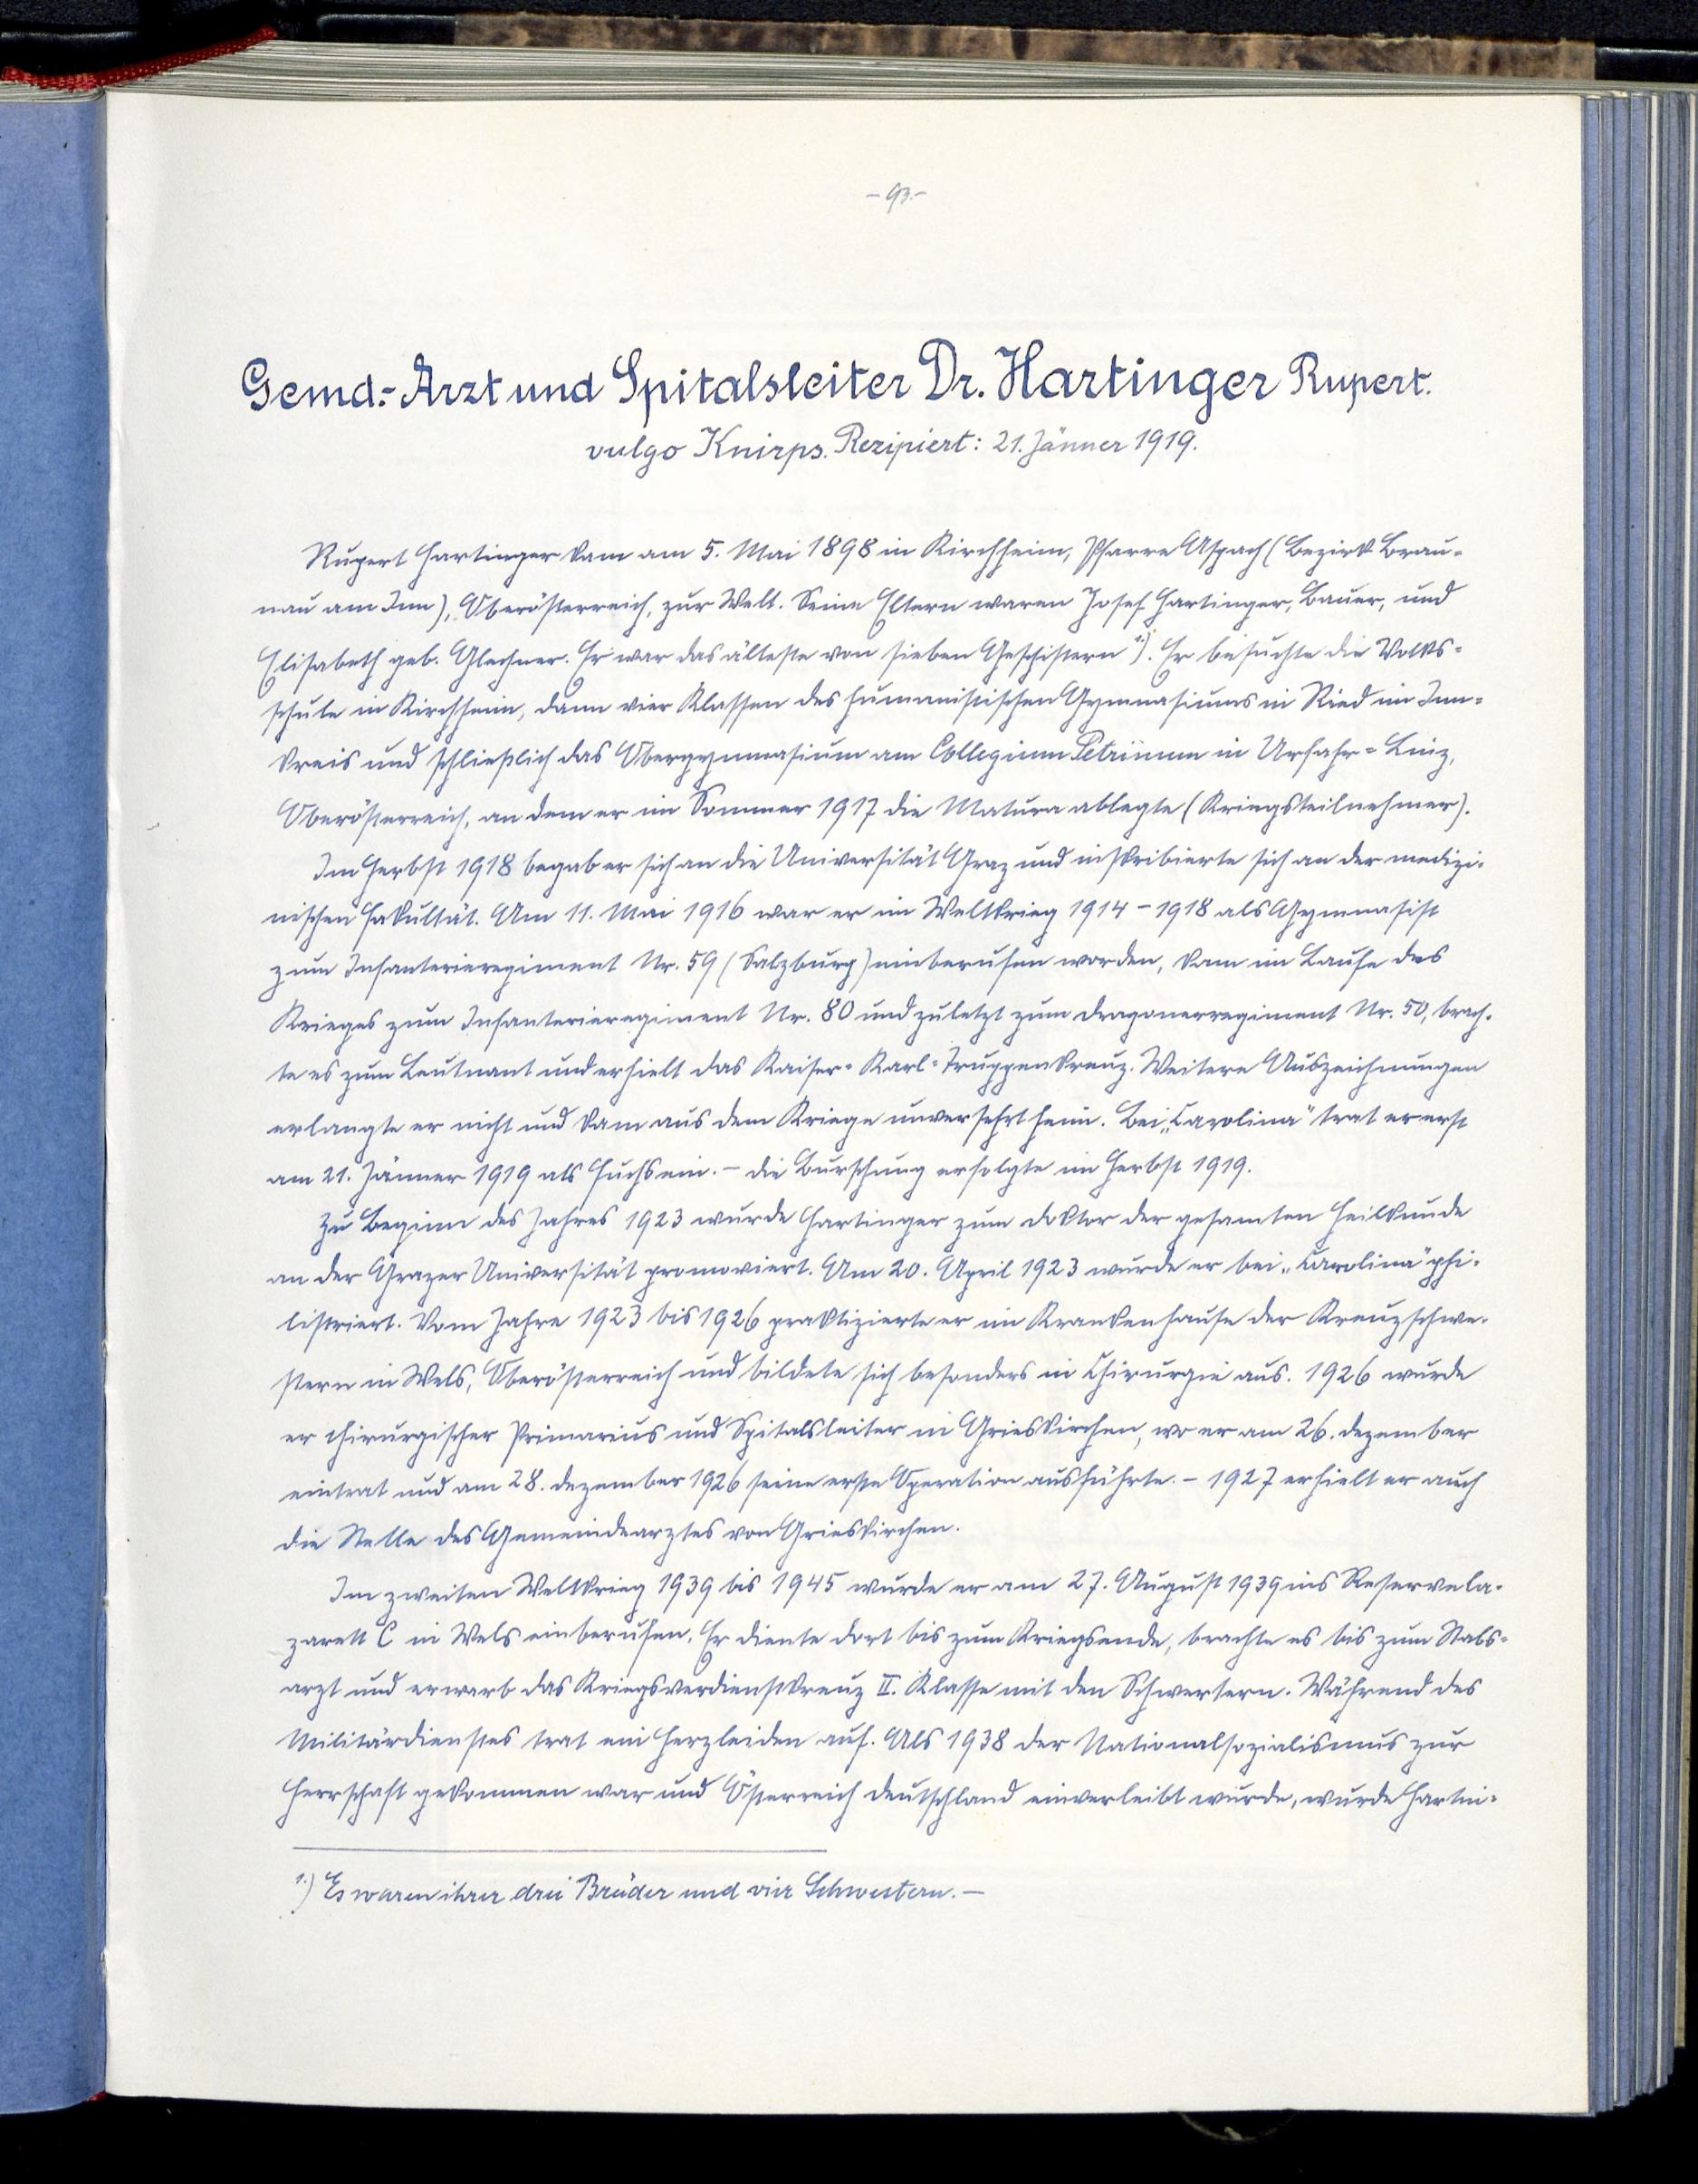93
Gemd.-Arzt und Spitalsleiter Dr. Hartinger Rupert
vulgo Knirps Rezipert: 21. Jänner 1919
Rugert Hartinger kam am 5. Mai 1898 in Kirchheim, Pfarre Aspach(Bezirk Brau-
nau am Inn ). Oberösterreich, zur Welt. Seine Eltern waren Josef Hartinger, Bauer, und
Elisabeth geb. Glechner. Er war das älteste von sieben Geschwistern 1). Er besuchte die Volks-
schule in Kirchhein, dann vier Klassen des hummistischen Gymnasiums in Ried im Inn-
kreis und schließlich das Obergymnasium am Collegiun Petrinum in Urfahr-Linz,
Oberösterreich, an dem er im Somnmer 1917 die Matura ablegte (Kriegsteilnehmer).
Im Herbst 1918 begab er sich an die Universität Graz und inskribierte sich an der medizi-
nischen Fakultät. Am 11. Mai 1916 war er im Weltkrieg 1914-1918 als Gymnasist
zum Infanterieregiment Nr. 59(Salzburg ) einberufen worden, kam im Laufe des
Krieges zum Infanterieregiment Nr. 80 und zuletzt zum Dragonerregiment Nr. 50, brach-
te es zum Leutnant und erhielt das Kaiser-Karl-Truppenkreuz. Weitere Auszeichnungen
erlangte er nicht und kam aus dem Kriege unversehrt heim. Bei "Carolina" trat er erst
am 21. Janner 1919 als Fuchs ein.- Die Burschung erfolgte im Herbst 1919.
Zu Beginn des Jafres 1923 wurde Hartinger zum Doktor der gesamten Heilkunde
an der Grazer Universität promoviert. Am 20. April 1923 wurnde er bei "Carolina“ phi-
listriert. Vom Jahre 1923 bis1926 praktizierte er im Krankenhause der Kreuzschwe-
stern in Wels, Oberösterreich und bildete sich besonders in Chirurgie aus. 1926 wurde
er chirurgischer Primarius und Spitalsleiter in Grieskirchen, wo er am 26. Dezember
eintrat und am 28. Dezember 1926 seine erste Operation ausführte.- 1927 erhielt er auch
die Stelle des Gemeindearztes von Grieskirchen.
In zweiten Weltkrieg 1939 bis 1945 wurde er am 27. August 1939 ins Reservela-
zarett C in Wels einberufen. Er diente dort bis zum Kriegsende, brachte es bis zum Stabs-
arzt und erwarb das Kriegsverdienstkreuz II. Klasse mit den Schwertern. Während des
Militärdienstes trat ein Herzleiden auf. Als 1938 der Nationalsozialismus zur
Herrschaft gekommen war und Österreich Deutschland einverleibt wurde, wurde Hartin-
1.) Es waren ihrer drei Brüder und vier Schwestern.-